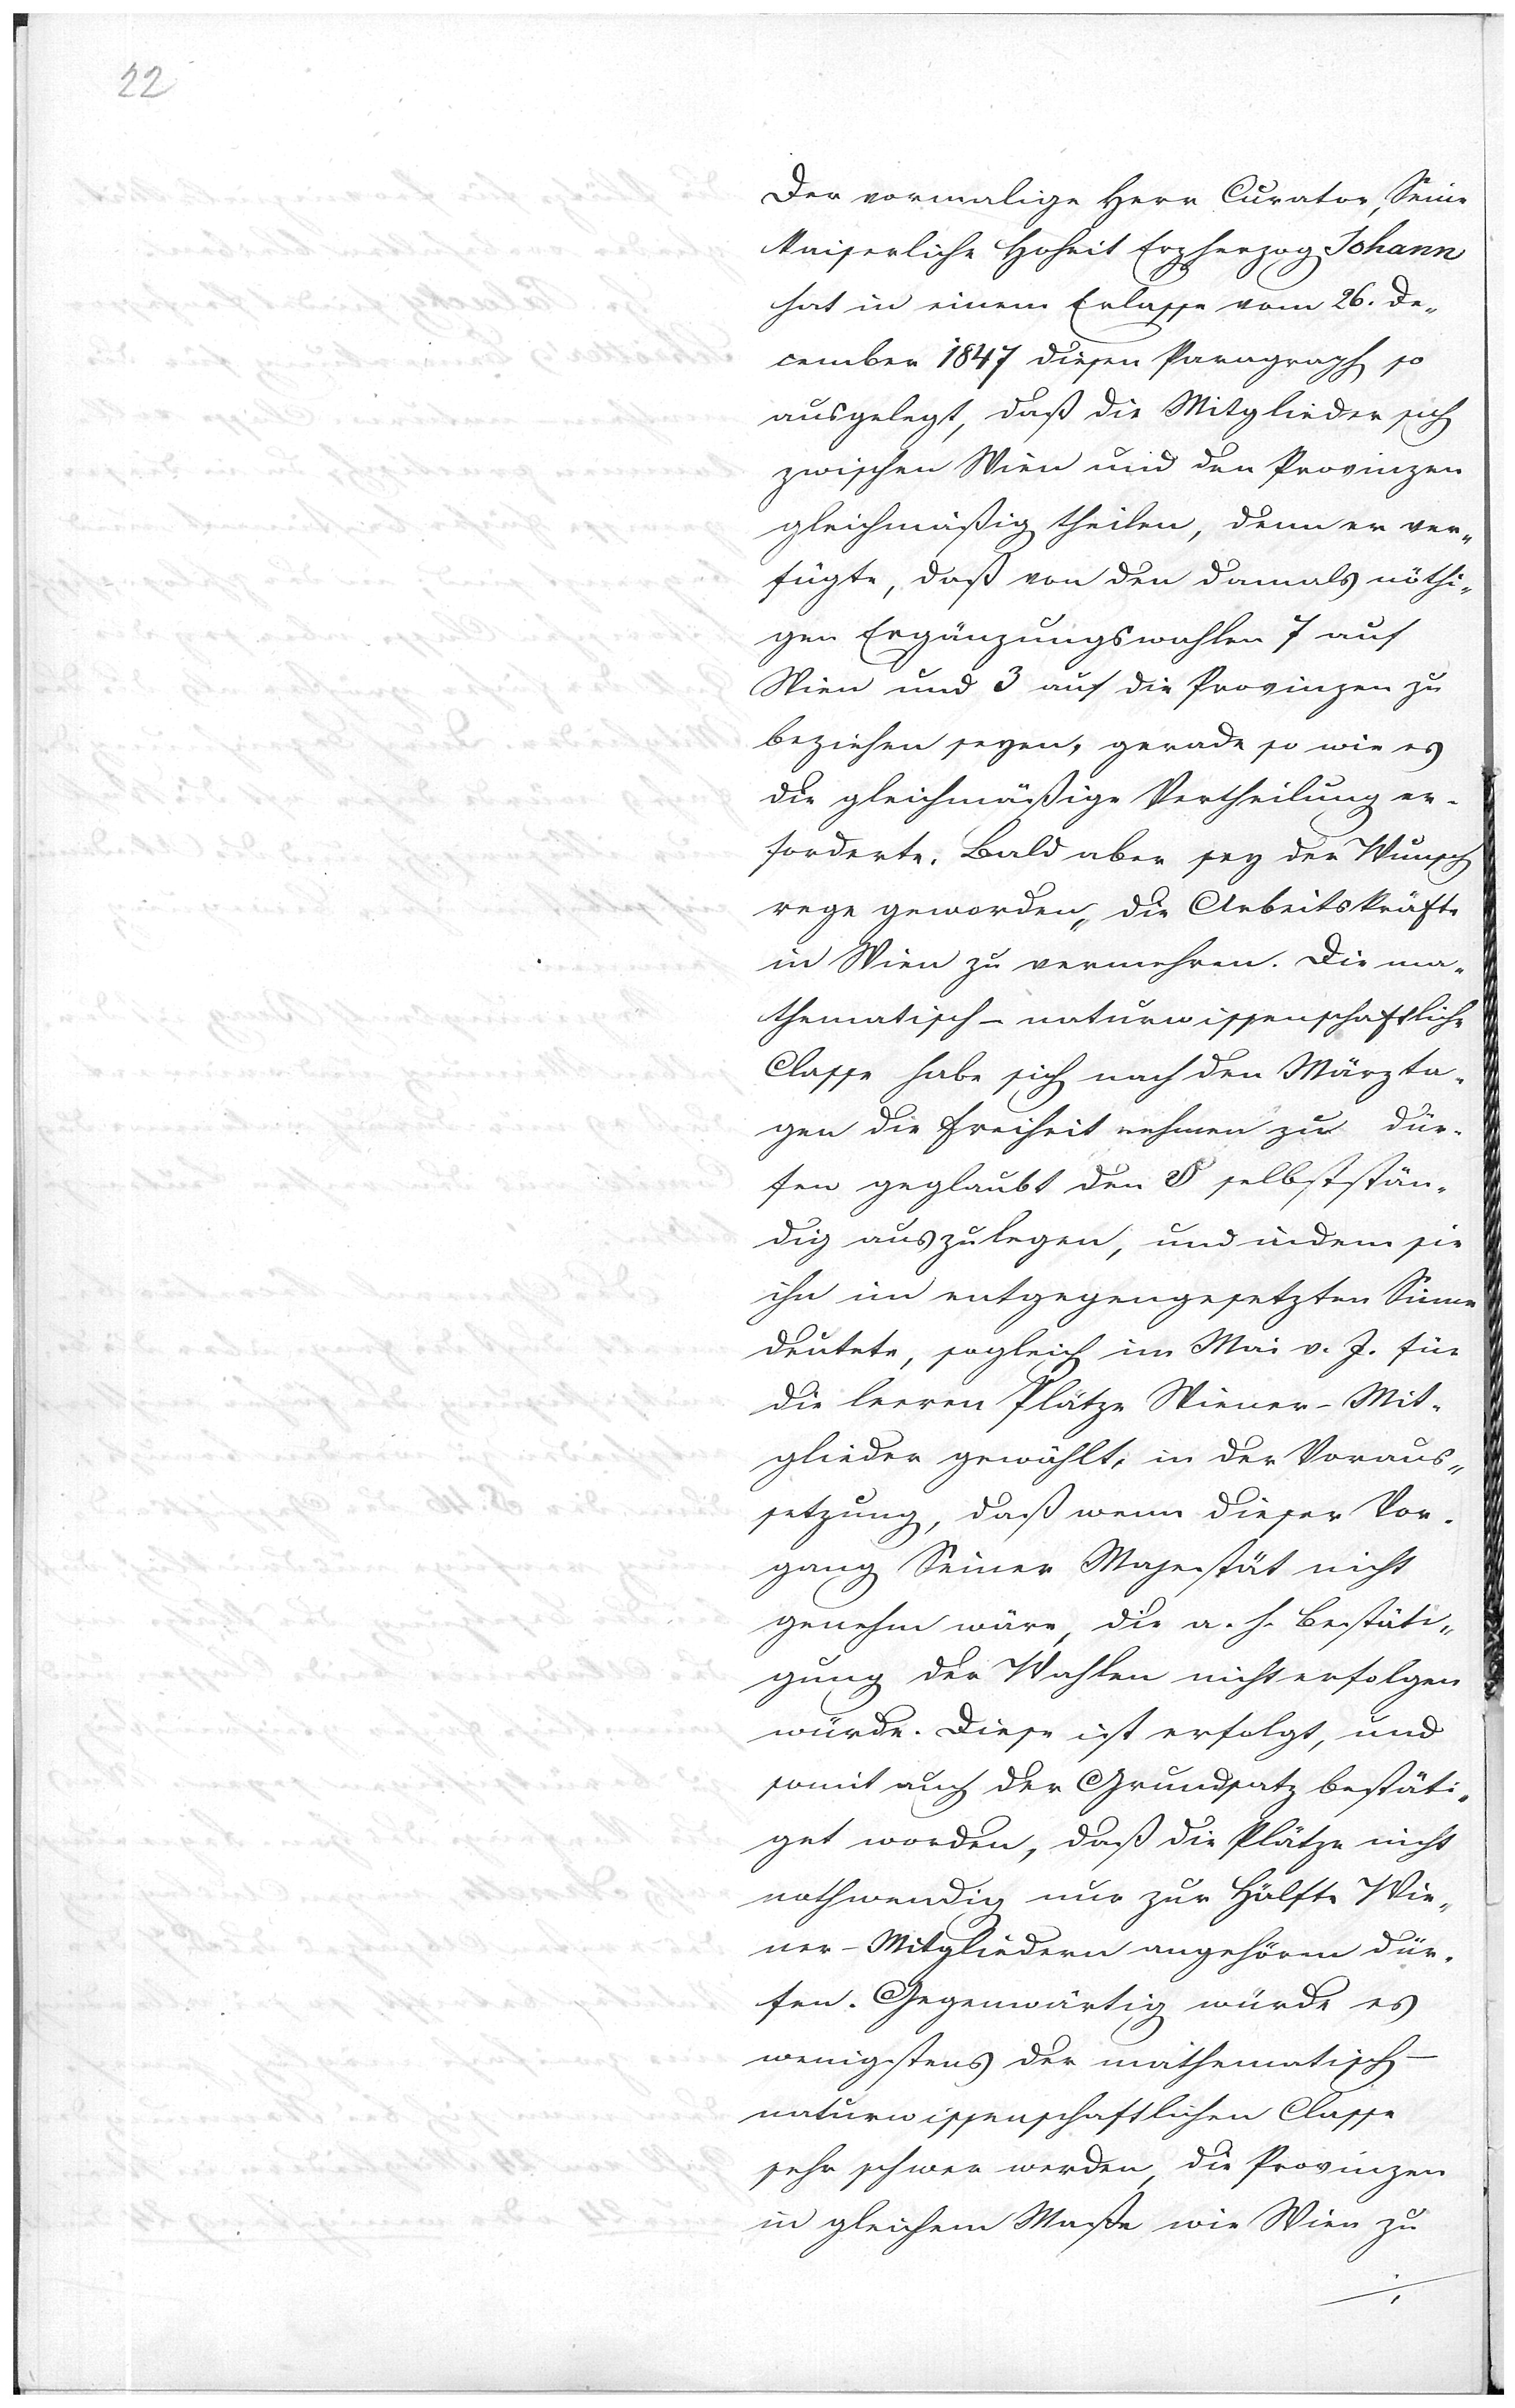Der vormalige Herr Curator, Seine
kaiserliche Hoheit Erzherzog Johann
hat in einem Erlasse vom 26. De-
cember 1847 diesen Paragraph so
ausgelegt, daß die Mitglieder sich
zwischen Wien und den Prorinzen
gleichmißig theilen, denn er ver-
fügte, daß von den damals nöthi-
gen Ergänzungswahlen 7 auf
Wien und 3 auf die Proginzen zu
beziehen seyen, gerade so wie es
die gleichmäßige Vertheilung er-
forderte. Bald aber sey der Wunsch
rege geworden, die Arbeitskräfte
in Wien zu vermehren. Die ma-
thematisch-naturwissenschaftliche
Classe habe sich nach den Märzta-
gen die Freiheit nehmen zu dü-
fen geglaubt den § selbststän-
dig auszulegen, und indem sie
ihn im entgegengesetzten Sinne
deutete, sogleich im Mai v. J. für
die leeren Plätze Wiener-Mit-
glieder gewählt, in der Voraus-
setzung, daß wenn dieser Vor-
gang Seiner Majestät nicht
genehm wäre, die a. h. Bestäti-
gung der Wahlen nicht erfolgen
würde. Diese ist erfolgt, und
somit auch der Grundsatz bestäti-
get worden, daß die Plätze nicht
nothwendig nur zur Hälfte Wie-
ner-Mitgliedern angehören dür-
fen. Gegenwärtig würde es
wenigstens der mathematisch-
naturwissenschaftlichen Classe
sehr schwer werden, die Provinzen
in gleichem Maße wie Wien zu